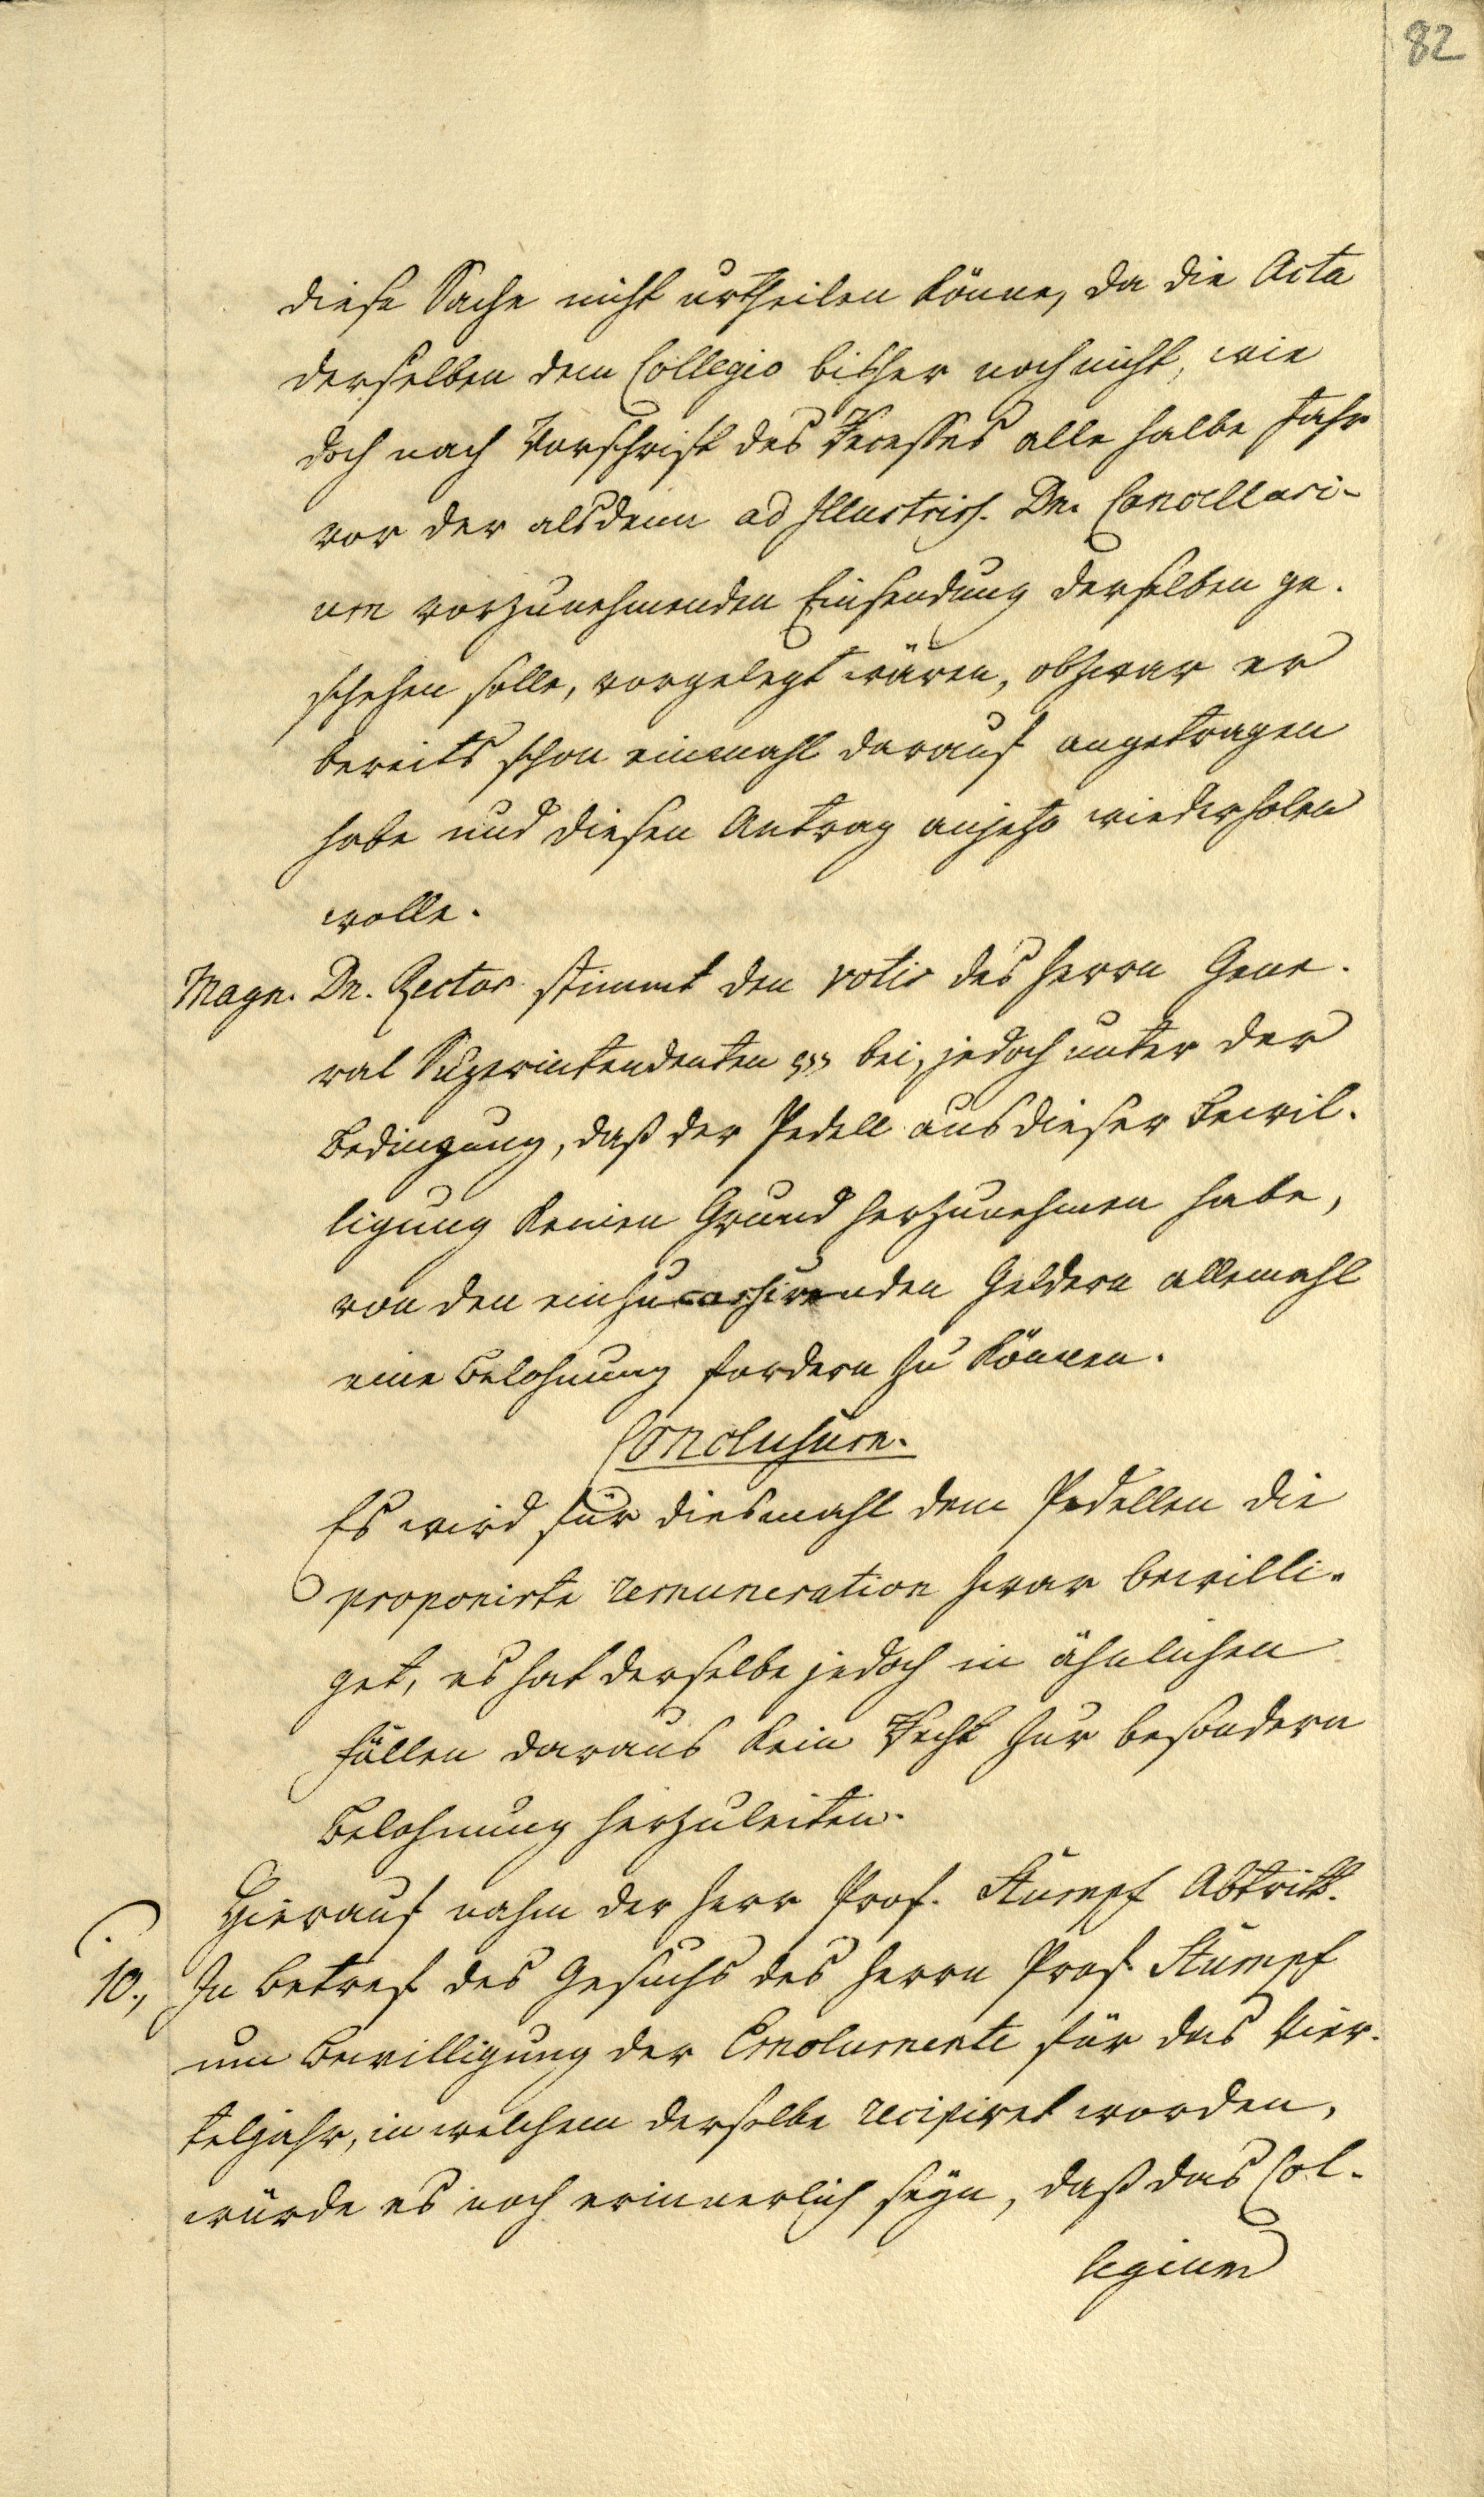diese Sache nicht urtheilen könne, da die Acta
derselben dem Collegio bisher noch nicht, wie
doch nach Vorschrift der Recesses alle halbe Jahr
vor der alsdenn ad Illustriss. Dn. Cancellari¬
um vorzunehmenden Einsendung derselben ge¬
schehen solle, vorgelegt wären, obzwar er
bereits schon einmahl darauf angetragen
habe und diesen Antrag anjetzo wiederholen
wolle.
Magn. Dn. Rector stimmt den votis des Herrn Gene¬
ral Superintendenten v, bei, jedoch unter der
Bedingung, daß der Pedell aus dieser Bewil¬
ligung keinen Grund herzunehmen habe,
von den einzucassirenden Geldern allemahl
eine Belohnung fordern zu können.
Conclusum.
Es wird für diesmahl dem Pedellen die
proponirte remuneration zwar bewilli¬
get, es hat derselbe jedoch in ähnlichen
Fällen daraus kein Recht zur besondern
Belohnung herzuleiten.
Hierauf nahm der Herr Prof. Stumpf Abtritt.
10., In Betref des Gesuchs des Herrn Prof. Stumpf
um Bewilligung der Emolumente für das Vier¬
teljahr, in welchem derselbe recipiret worden,
würde es noch erinnerlich seÿn, daß das Col¬
legium